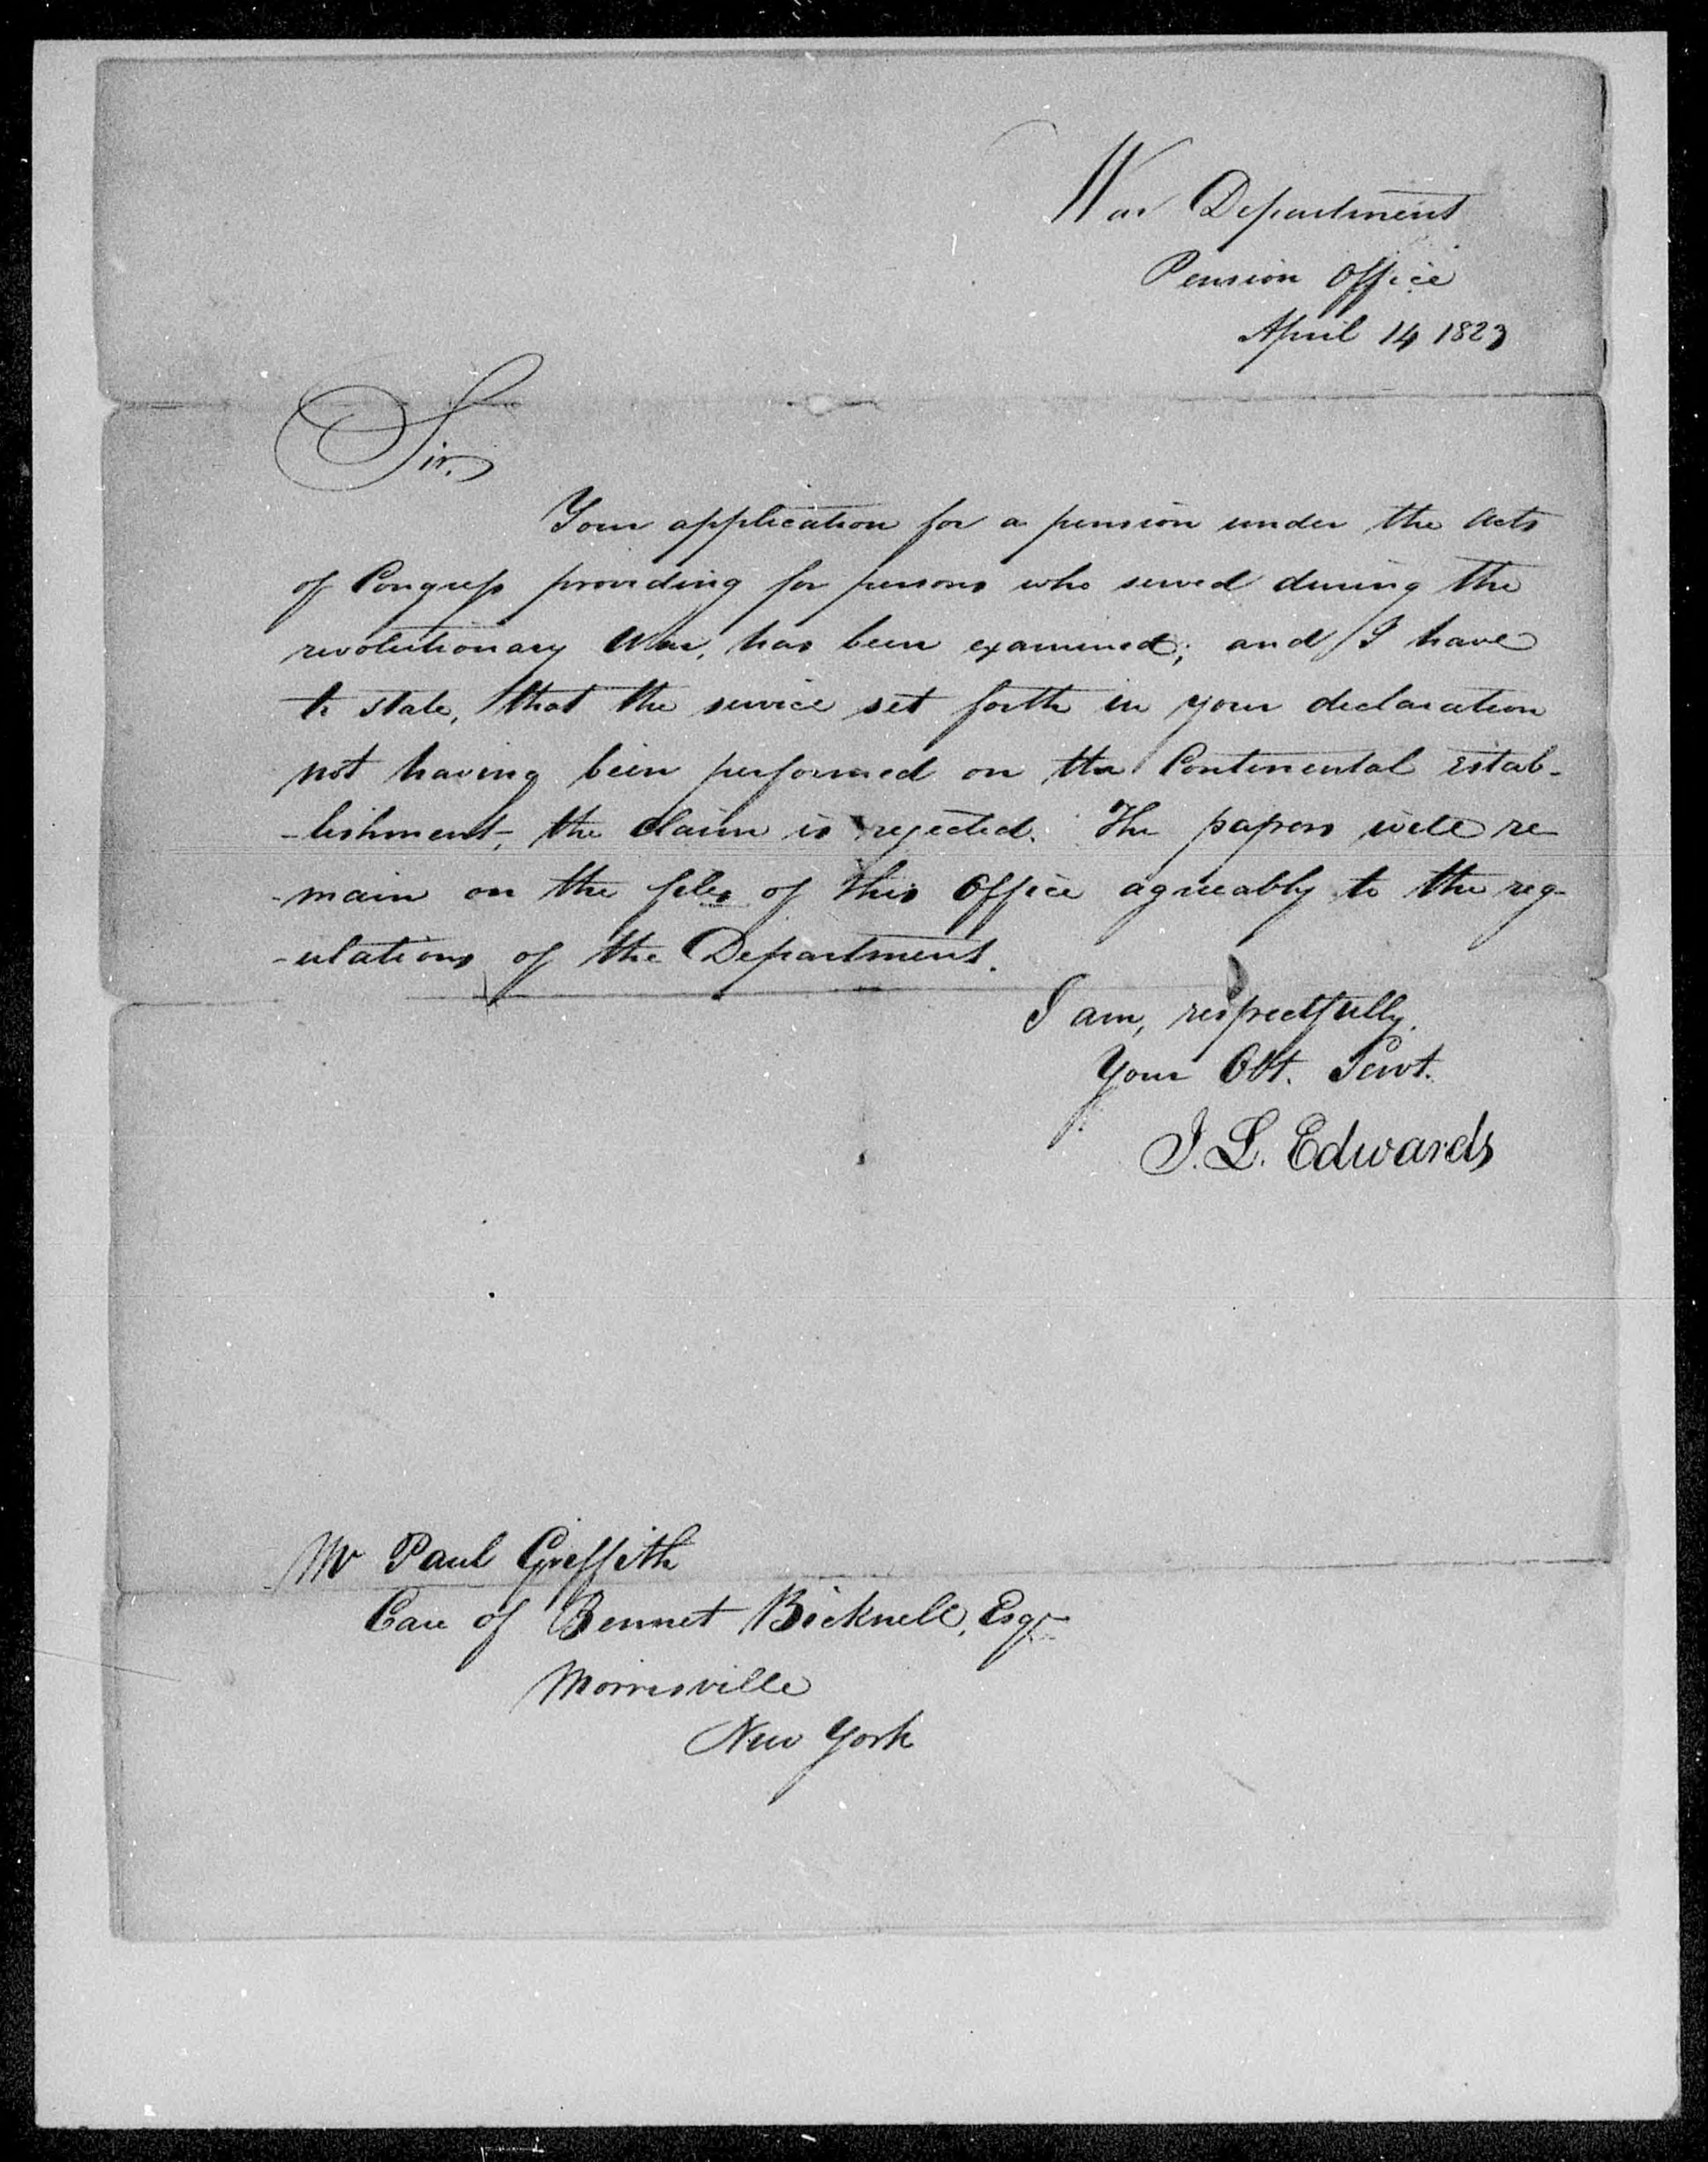War Department
Pension Office
April 14 1823
Sir,
Your application for a pension under the acts
of Congress providing for persons who served during the
revolutionary war, has been examined, and I have
to state, that the service set forth in your declaration
not having been performed on the Continental establishment, the claim is rejected. The papers will 
remain on the files of this office agreeably to the regulations of the Department.
I am, respectfully
Your Obt Sert
J. L. Edwards
Mr. Paul Griffith
Care of Bennet Bicknell Esq
Morrisville
New York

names: J L Edwards, Bennet Bicknell, Paul Griffith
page: 52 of 61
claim: survivor's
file: S. 22798, Paul Griffiths, R.I.